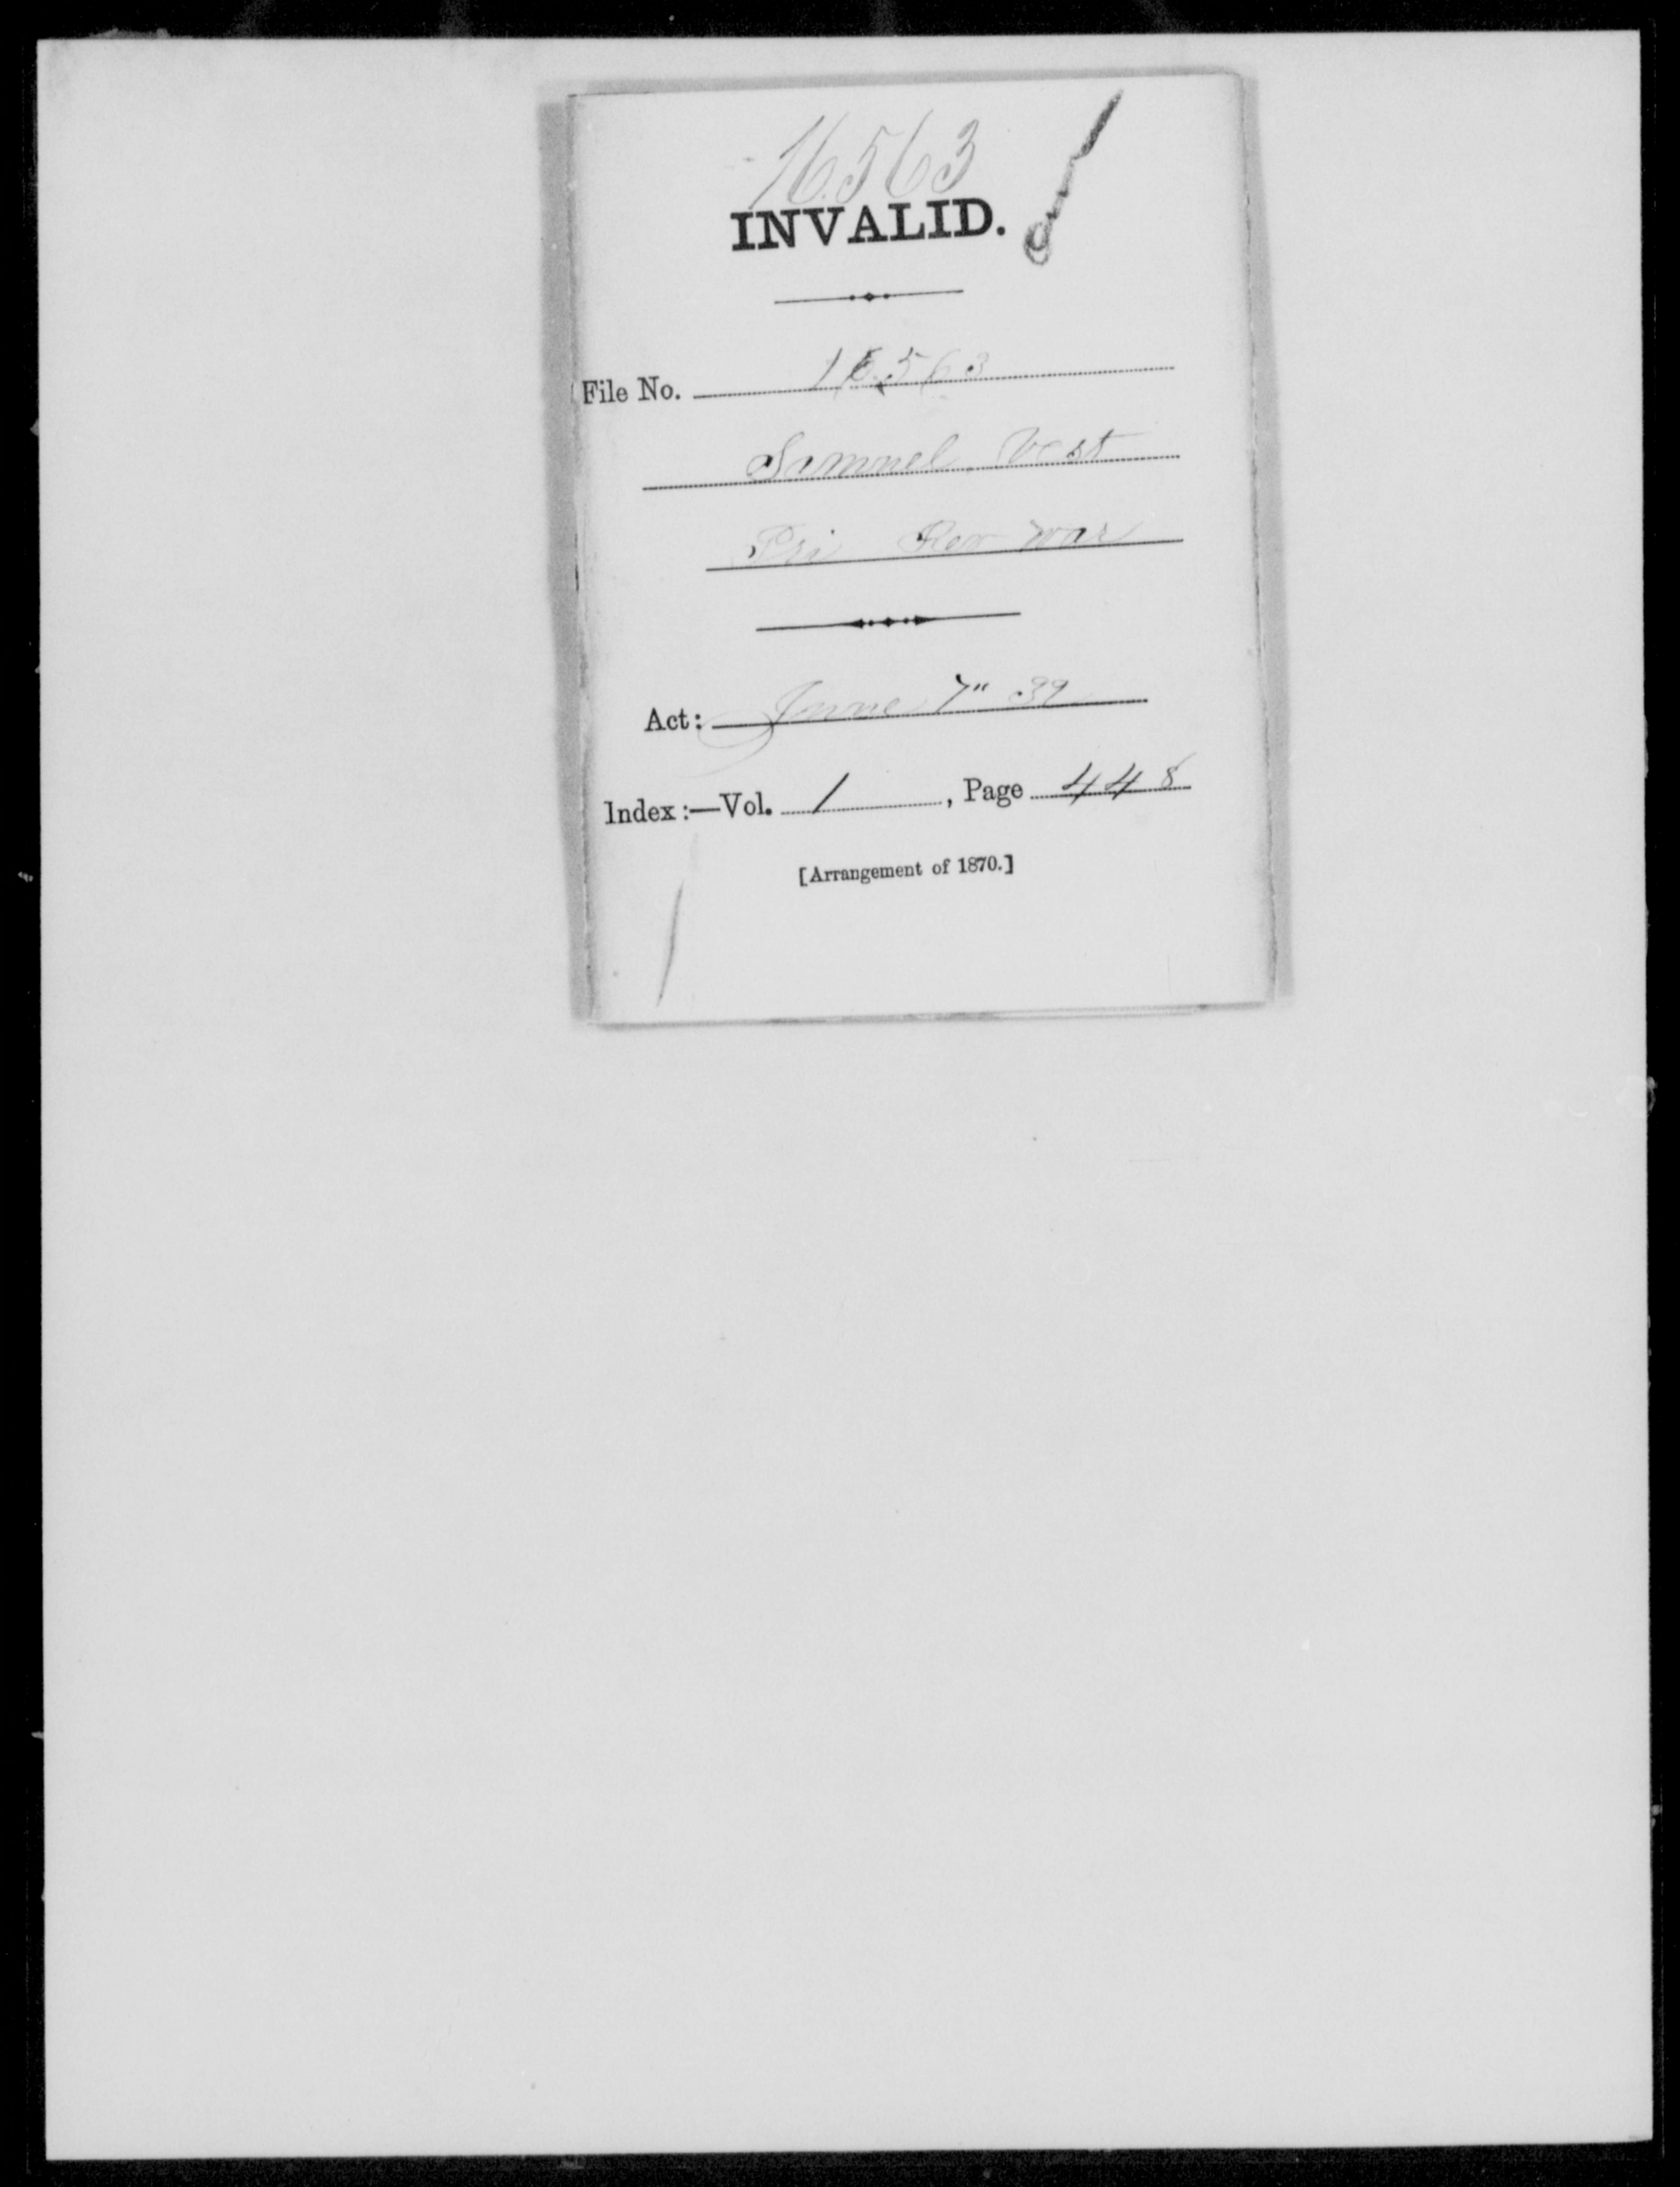[typed form, with handwritten responses]

16.563
INVALID. Own

File No. 16,563
Samuel Vest
Pri Rev War
Act: June 7" 32
Index:-Vol. 1, Page 448
[Arrangement of 1870.]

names: Samuel Vest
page: 12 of 15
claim: survivor's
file: S. 16,563, Samuel Vest, Va.